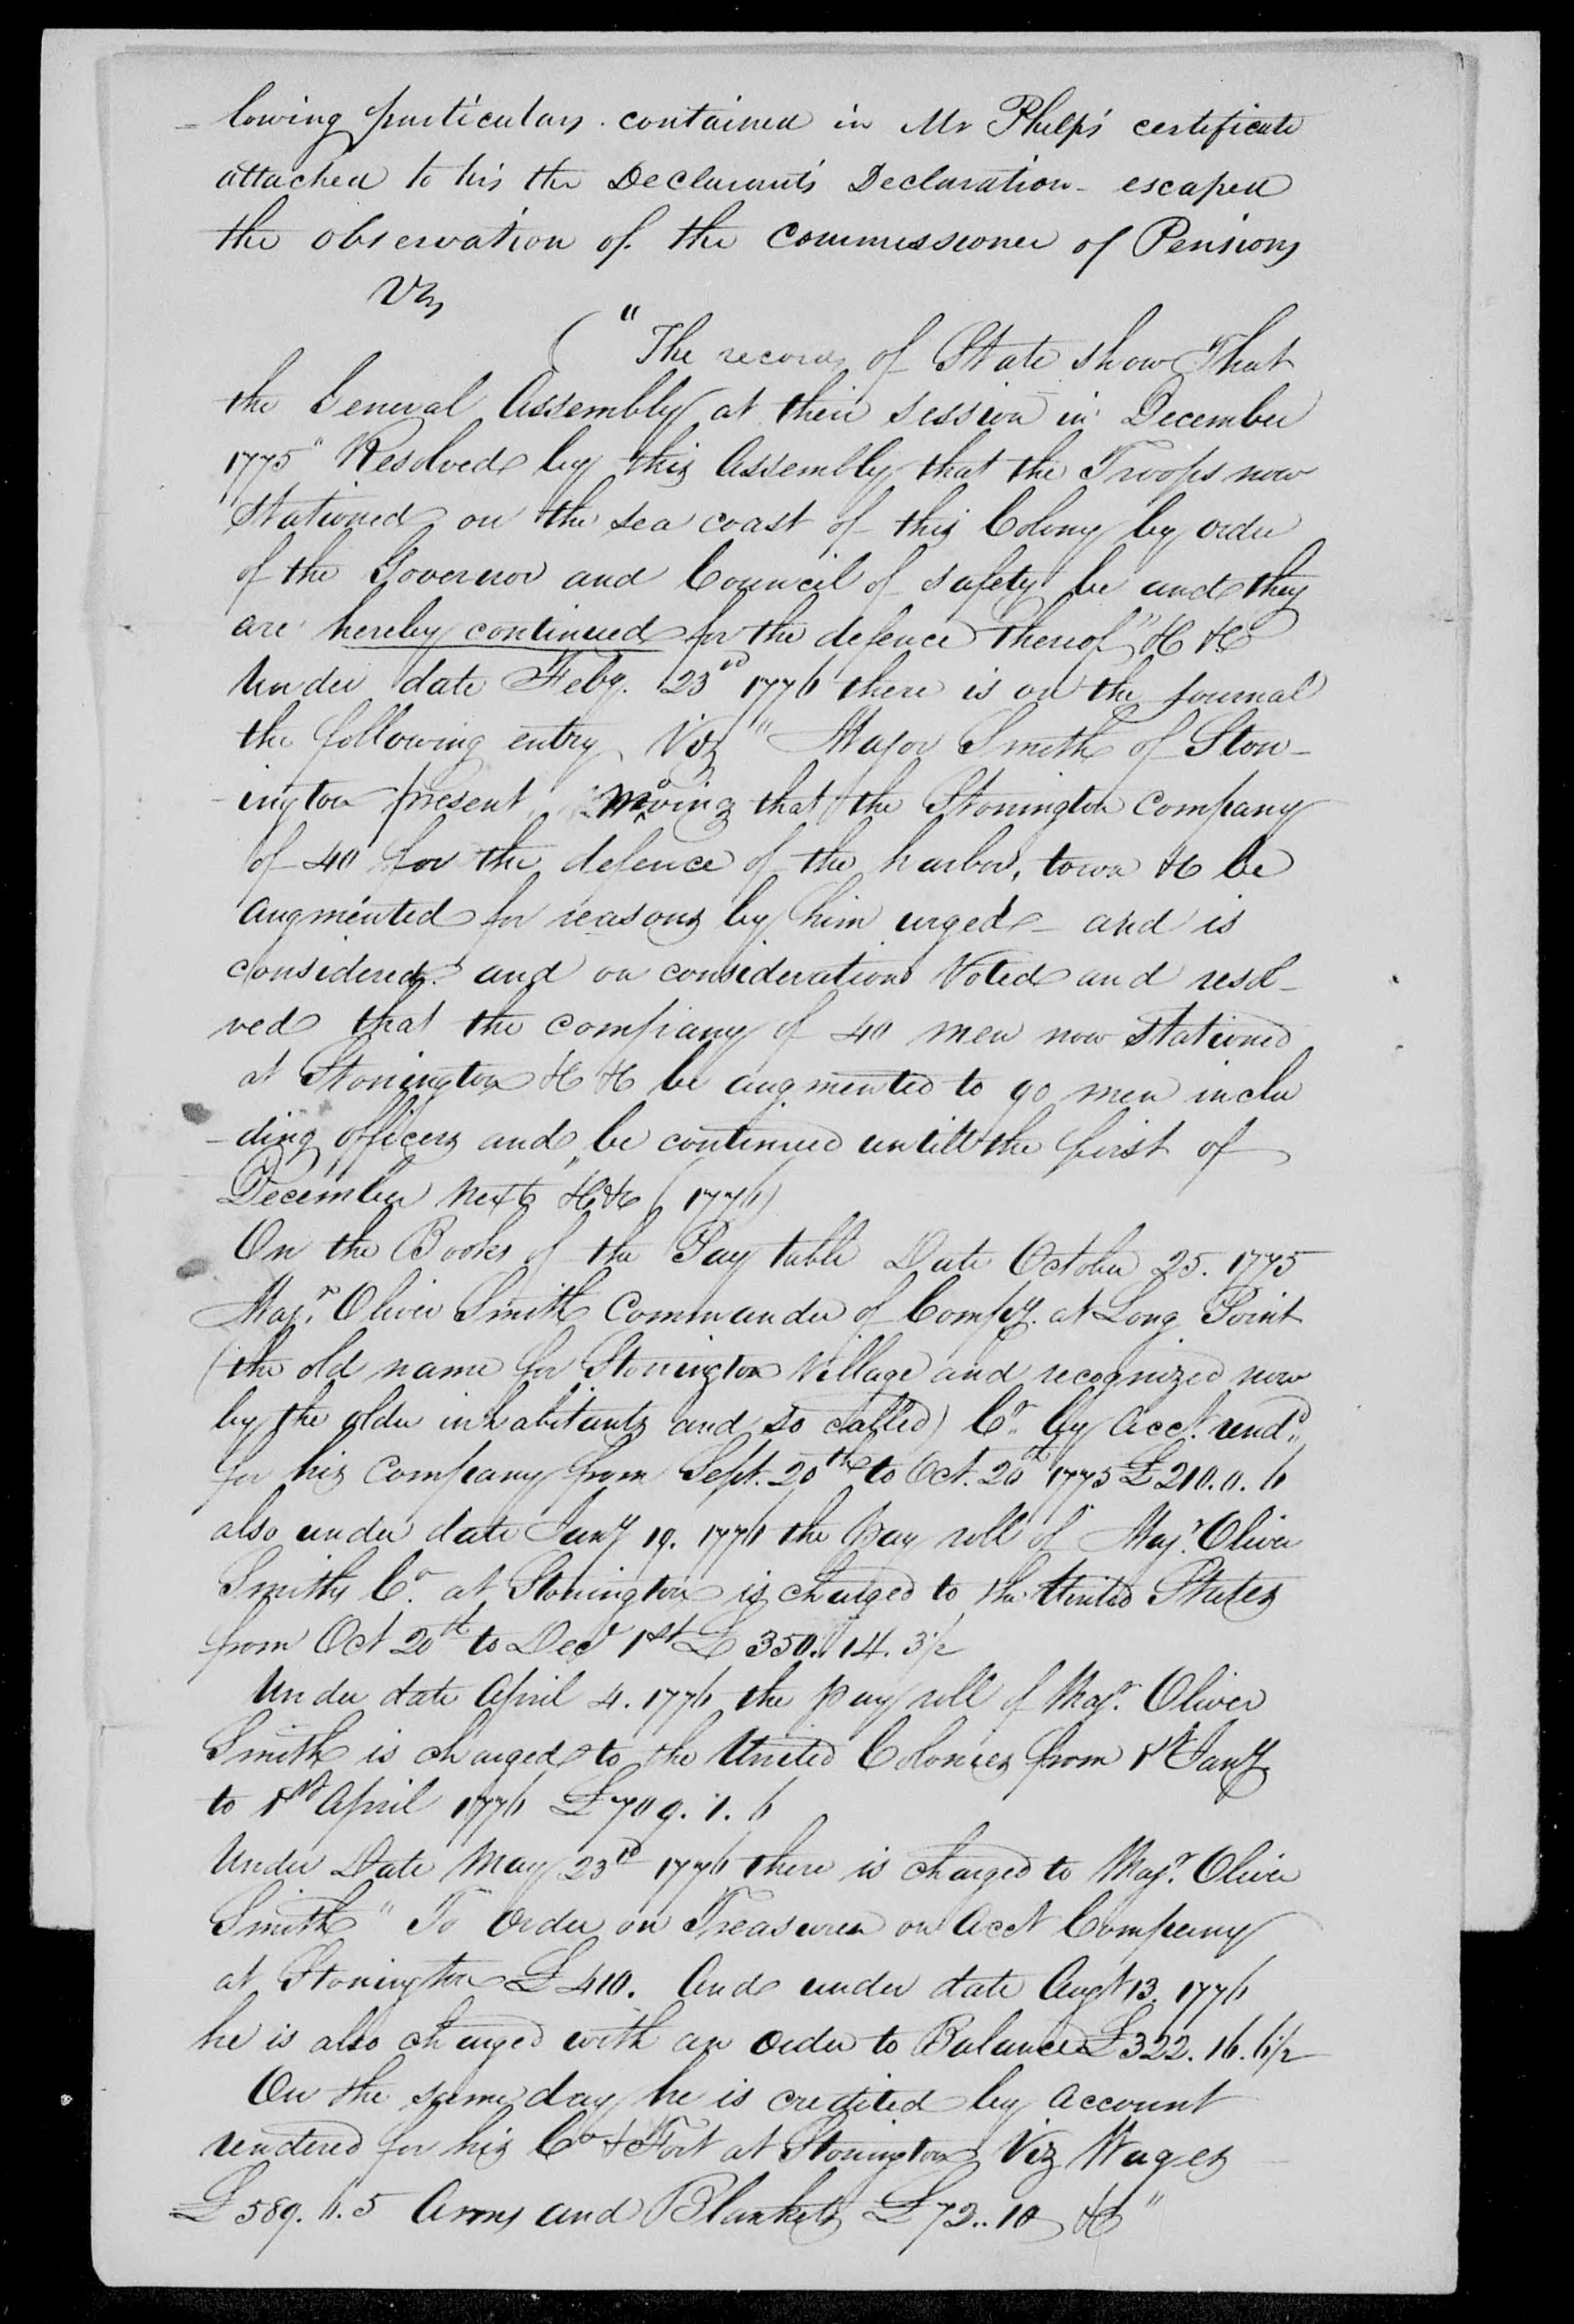following particulars contained in Mr Phelp's certificate attached to his the Declarant's declaration escaped the observation of the Commissioner of Pensions
Viz

"The records of State show that the
General Assembly at their session in December
1775, Resolved by this Assembly that the Troops now stationed on the sea coast of this Colony by order of the Governor and Council of Safety be and they are hereby continued for the defence thereof" [illegible]  & under date Feby. 23rd 1776 there is of the journal the following entry viz "Major Smith of Stonington present moving that the Stonington Company of 40 for the defence of the harbor, town be
augmented for reasons by him urged and is
considered and on consideration voted and resolved that the company of 40 men now stationed at Stonington [illegible] & be augmented to go men including officers and be continued untill the first of December next "L & c 1776
On the Books of the Pay table Date October 25. 1775 Majr. Oliver Smith Commander of Compy at Long Point the old name for Stonington Village and recognized now by the older inhabitants and so called) Cr by Acc. and for his company from Sept. 20th to Oct 20th 1775 L210.06 [illegible] 
also under date Jany 19, 1776 the pay roll of Maj. Oliver Smith C. at Stonington is charged to the United States from Oct 20th to Decr 1st $ 350.14. 3 ½ under date April 4. 1776 the pay roll of Majr Oliver Smith is charged to the United Colonies from & Jany. 
to 1st. April 1776 - L 709.1.6 under date May 23d 1776 there is charged to Majr. Oliver Smith "To Order on Treasurer on acct Company
at Stonington L 410, And under date Augt. 13 1776 he is also charged with an order to Balance L 322. 16 ½ on the same day he is credited by account rendered for his Co & Fort at Stonington Viz Wages L 589.1.5 [illegible] and Blankets L72.10 &""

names: Oliver Smith, Smith, Phelps, Oliver Smith, Oliver Smith, Oliver Smith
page: 24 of 26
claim: survivor's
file: S. 16843, Edward Hancox, Conn.